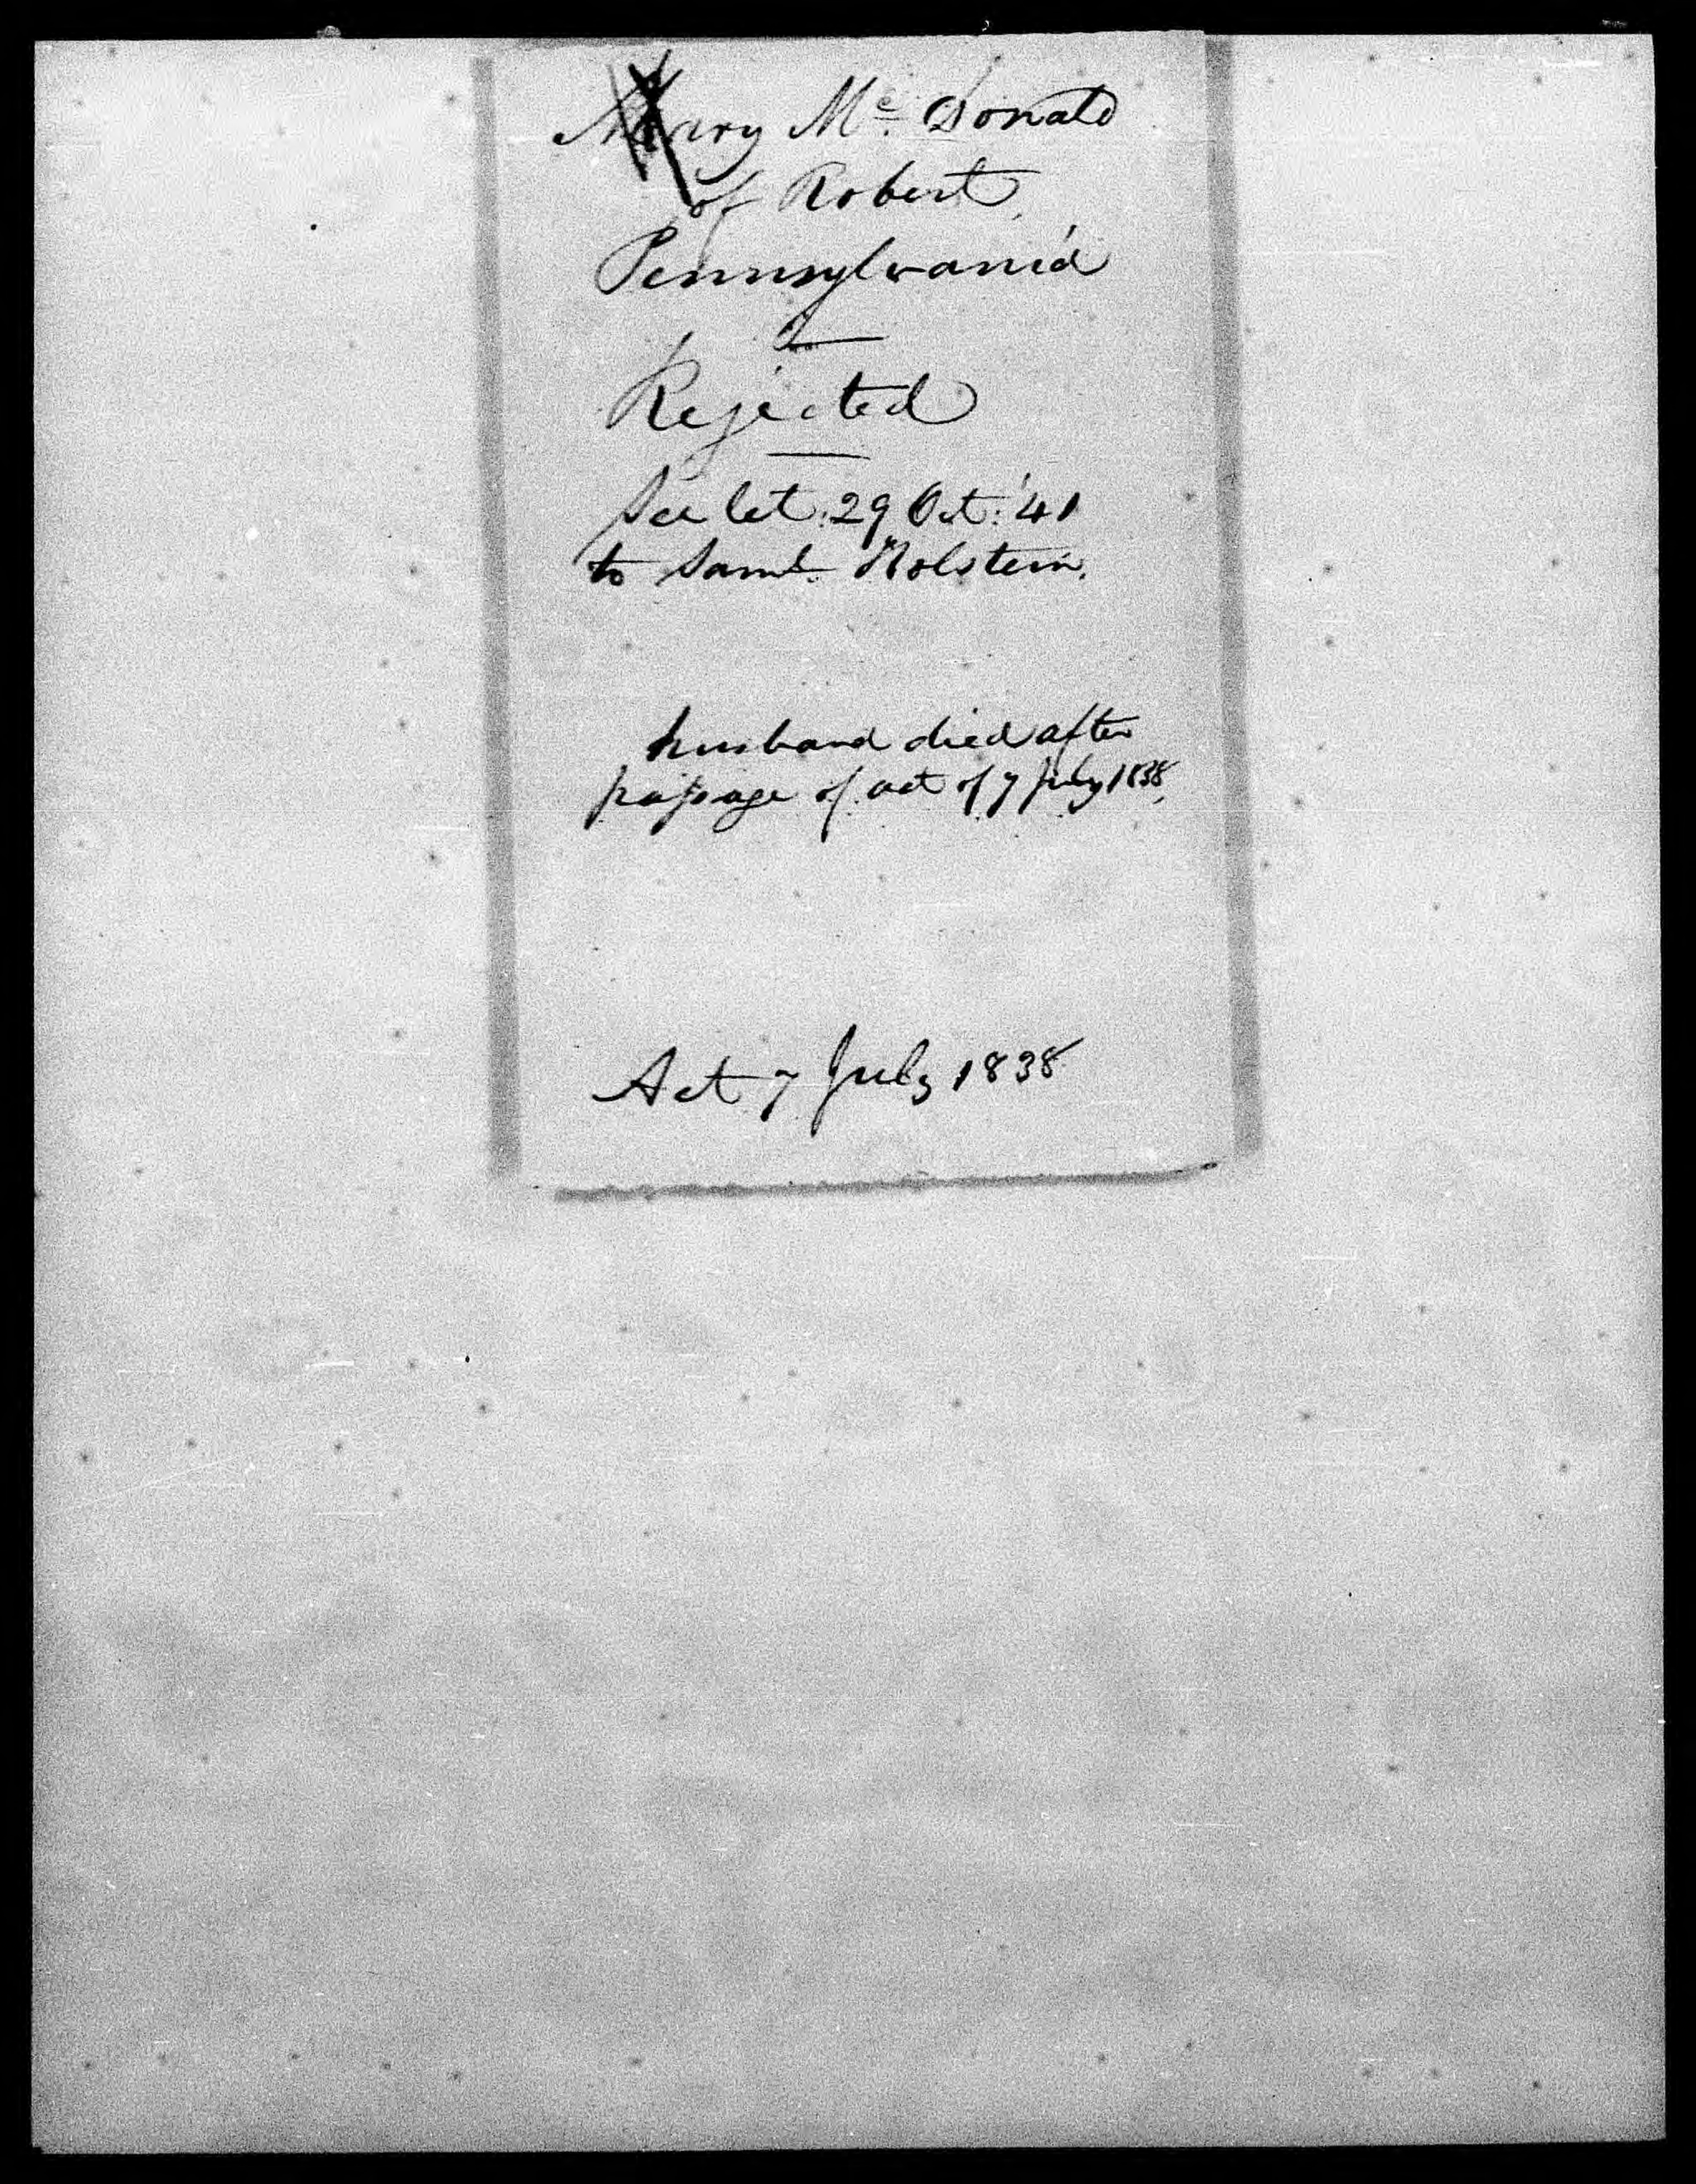Mary McDonald
of Robert
Pennsylvania
Rejected
See Let 29 Oct '41 to Samuel Nolstein 
husband died after passage of Act 7 July 1838
Act 7 July 1838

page: 27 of 59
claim: widow's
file: W 3703, for Robert Mc Donald, Pennsylvania